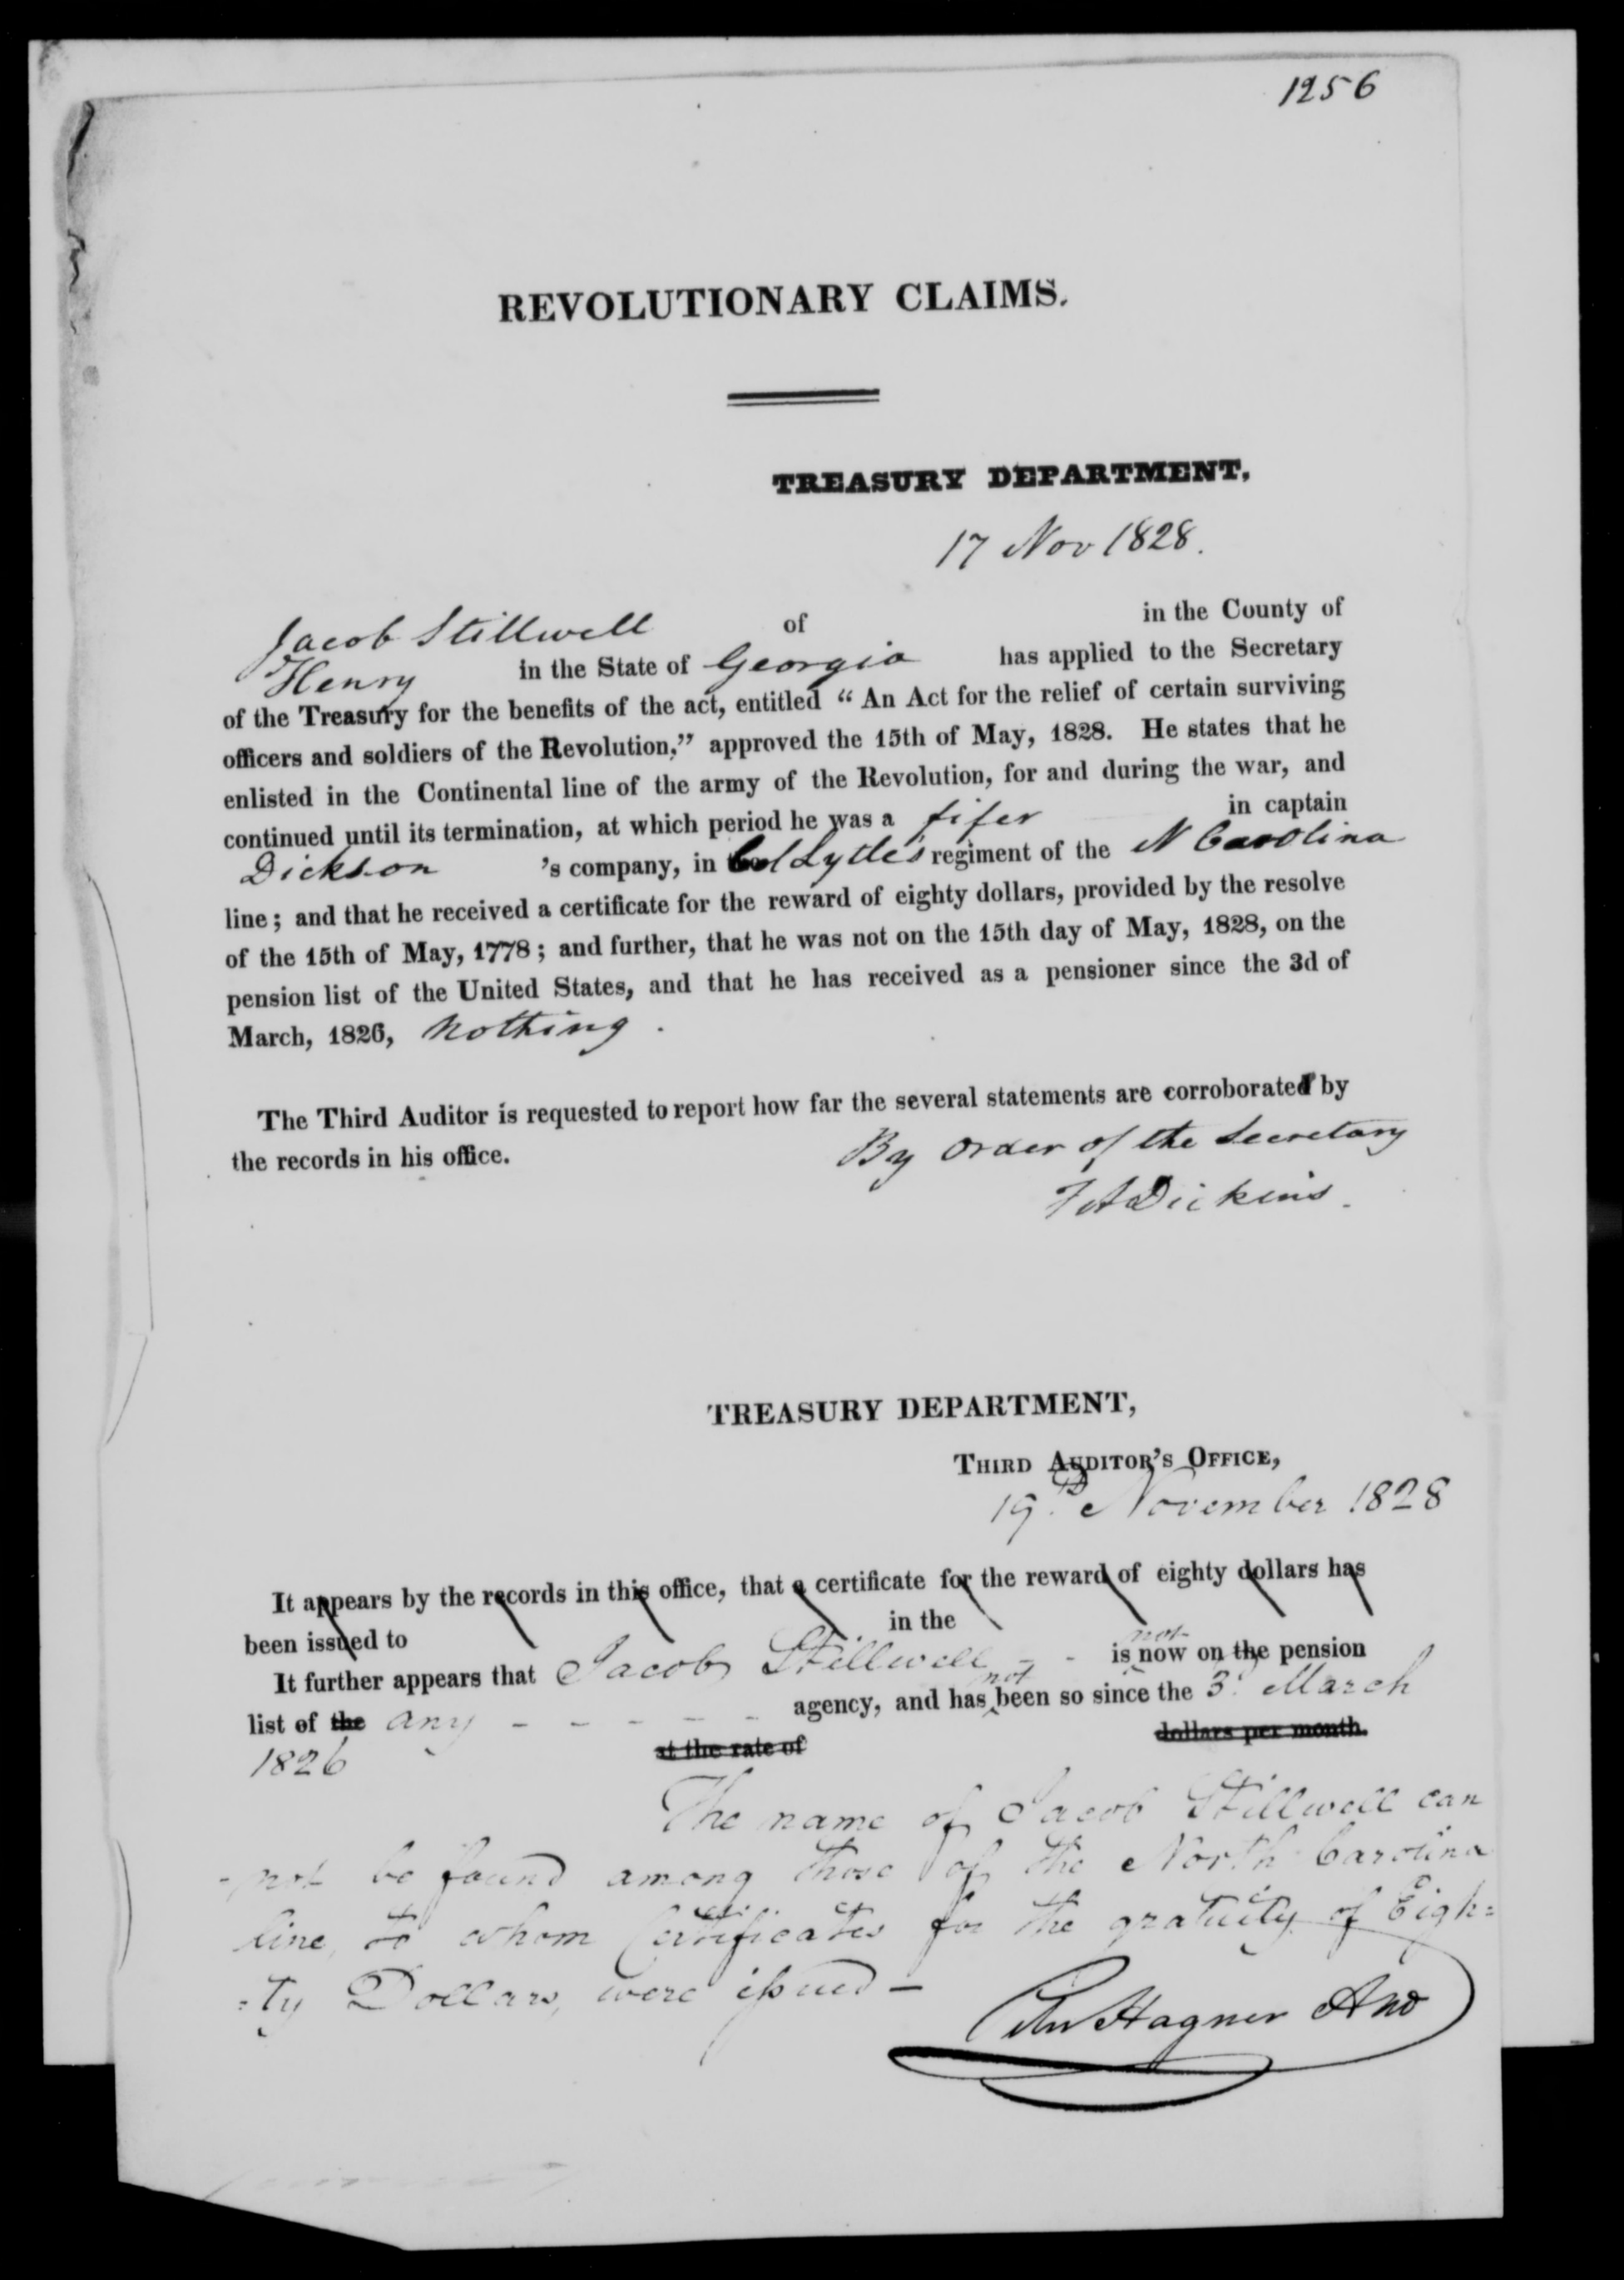Treasury Department, 17 November 1828.
Jacob Stillwell of the County of Henry in the State of Georgia has applied to the Secretary of the Treasury for the benefits of the act, entitled " An Act for the relief of certain surviving officers and soldiers of the Revolution," approved the 15th of May, 1828.  He states that he enlisted in the Continental line of the army of the Revolution, for and during the war, and continued until its termination, at which period he was a fifer in Captain Dickson's company, in Colonel Lytle's regiment of the North Carolina line; and that he received a certificate for the reward of eighty dollars, provided by the resolve of the 15th of May, 1778; and further that he was not on the 15th day of May, 1828, on the pension list of the United States, and that he has received as a pensioner since the 3rd of March, 1828, nothing.
The Third Auditor is requested to report how far the several statements are corroborated by the records in his office.
By order of the Secretary
Tod Dickens

Treasury Department
Third Auditor  19th of November 1828
It appears by the records in this office, that a certificate for the reward of eighty dollars has been issued to Jacob Stillwell.  It further appears that Jacob Stillwell is not now on the pension list of any agency, and has not been so since the 3rd of March 1826.
The name of Jacob Stillwell cannot be found among those of the North Carolina line to whom certificates for the gratuity of eighty dollars were issued.
Peter Hagner  Ano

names: Jacob Stillwell; Jacob Stillwell; F A Dickins; Jacob Stillwell; Peter Hagner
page: 4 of 25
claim: survivor's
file: S. 31,993, for Jacob Stillwell, North Carolina